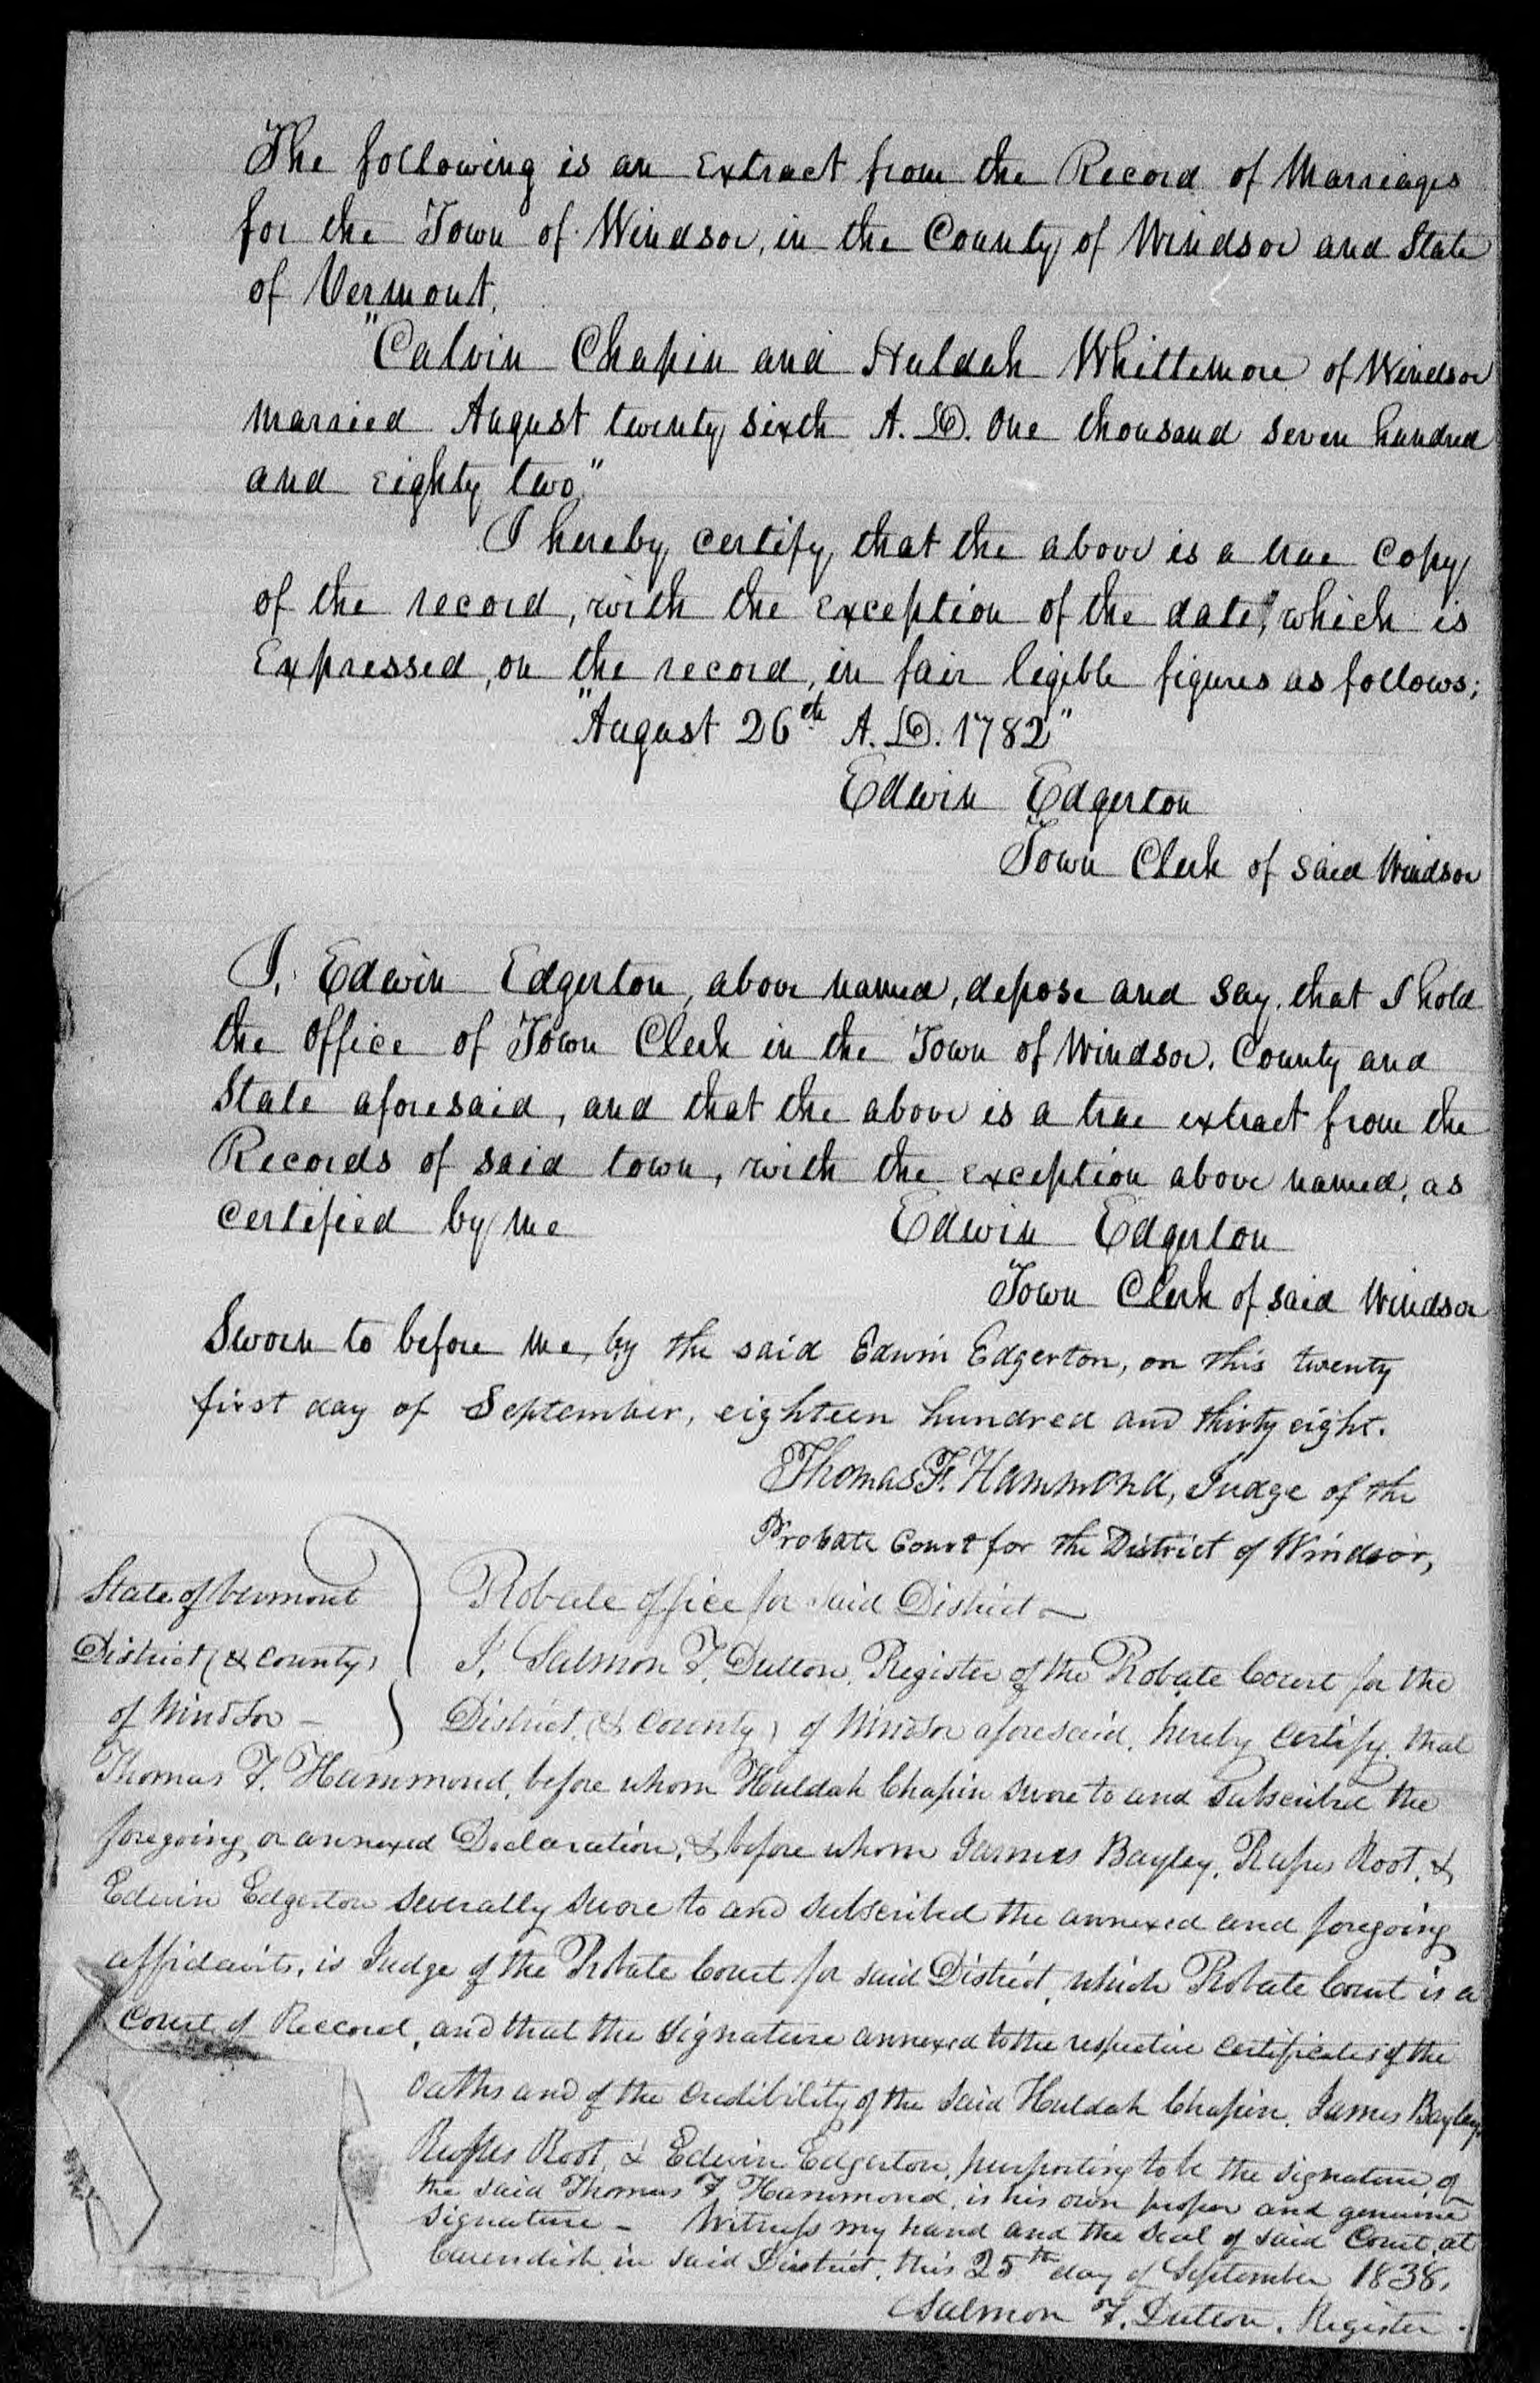The following is an extract from the Record of Marriages for the Town of Windsor, in the County of Windsor and State of Vermont.

"Calvin Chapin and Huldah Whittemore of Windsor married August twenty sixth A. D. One thousand Seven hundred and eighty two"

I hereby certify that the above is a true copy of the record, with the exception of the date, which is Expressed on the record, in fair legible figures as follows;
"August 26th A. D. 1782"

Edwin Edgerton
Town Clerk of said Windsor

I, Edwin Edgerton, above named, depose and say that I hold the office of Town Clerk in the Town of Windsor, County and State aforesaid,
and that the above is a true extract from the Records of said town, with the exception above named, as certified by me.
Edwin Edgerton
Town Clerk of said Windsor

Sworn to before me, by the said Edwin Edgerton, on this twenty first day of September, eighteen hundred and thirty two.
Thomas F. Hammond, Judge of the Probate Court for the District of Windsor

State of Vermont}
District & County of Windsor}

Probate office for said District__
I, Salmon F. Dutton, Register of the Probate Court for the District (& County) of Windsor aforesaid hereby certify that Thomas F. Hammond before whom Huldah Chapin swore to and subscribed the foregoing or annexed Declaration, & before whom James Bayley Rufus Root & Edwin Edgerton severally swore too and subscribed the annexed and foregoing affidavit, is Judge of the Probate Court for said District, which Probate Court is a Court of Record, and that the signature annexed to the respective certificate of the oaths and of the credibility of the said Huldah Chapin, James Bayley Rufus Root & Edwin Edgerton purporting to be the signature of the said Thomas F. Hammond, is his own proper and genuine signature__ Witness my hand and the seal of said Court at Cavendish in said District, this 25th day of September 1838.
Salmon F. Dutton, Register.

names: Calvin Chapin, Huldah Chapin, Salmon F Dutton, Edwin Edgerton, Edwin Edgerton, Rufus Root, Rufus Root, Thomas F Hammond, Huldah Whittemore, James Bayley, Huldah Chapin, Edwin Edgerton, James Bayley, Salmon F Dutton, Thomas F Hammond, Thomas F Hammond, Edwin Edgerton, Edwin Edgerton, Edwin Edgerton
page: 12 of 35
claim: widow's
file: W. 20,864, Calvin Chapin, Mass. Vt.